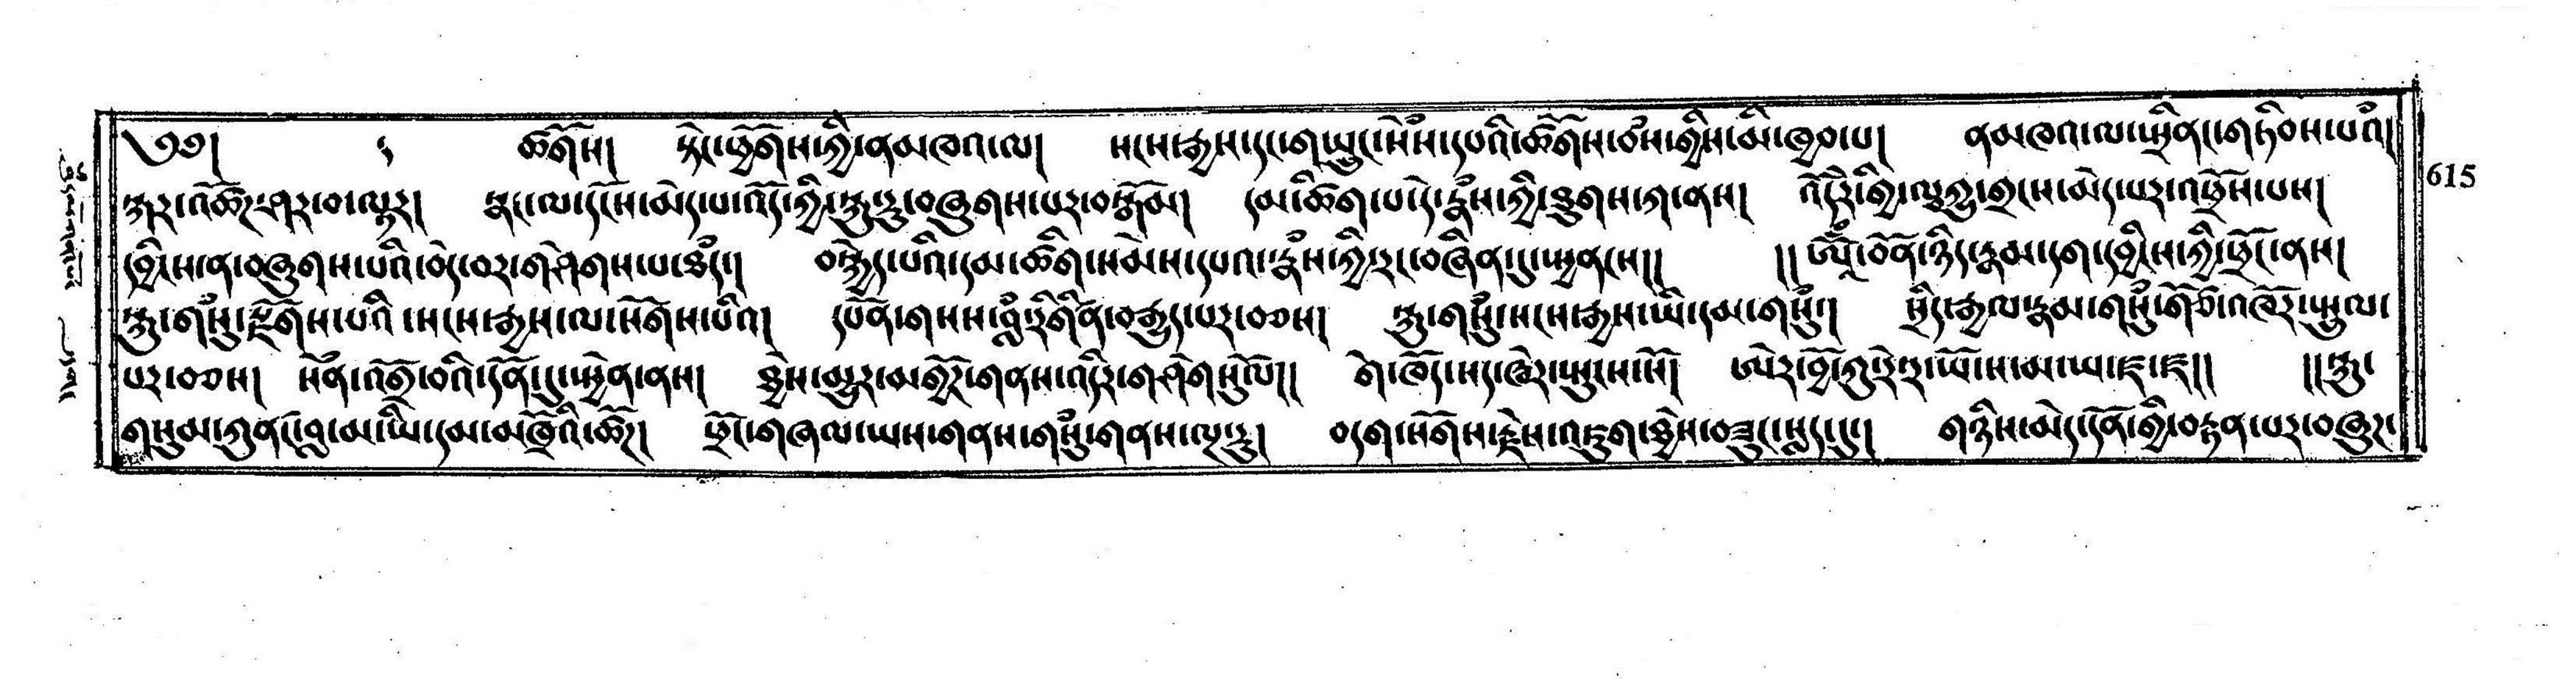ཚོགས། སྟེང་ཕྱོགས་ཀྱི་ནམ་མཁའ་ལ། སངས་རྒྱས་དང་གཡུང་དྲུང་སེམས་དཔའི་ཚོགས་བསམ་གྱིས་མི་ཁྱབ་པ། ནམ་མཁའ་ལ་སྤྲིན་དཔུང་གཏིབས་པའམ། 
སྐར་འཚོགས་ཤར་བ་ལྟར། སྣང་ལ་དངོས་པོ་མེད་པ་འོད་ཀྱི་སྐུ་རུ་བཞུགས་པར་བསྒོམ། དམ་ཚིག་པ་དེ་རྣམས་ཀྱི་ཐུགས་ཀ་ནས། འོད་ཟེར་གྱི་ལྕག་ཀྱུ་ལྟ་བུ་གྲངས་མེད་པར་འཕྲོས་པས། 
དབྱིངས་ན་བཞུགས་པའི་བདེ་བར་གཤེགས་པ་ཐམས་ཅད། བསྐྱེད་པའི་དམ་ཚིག་སེམས་དཔའ་རྣམས་ཀྱི་རང་བཞིན་དུ་སྤྱན་དྲངས།། །།ཨཱོཾ་བོན་ཉིད་རྣམ་དག་དབྱིངས་ཀྱི་ཕོ་བྲང་ནས། 
སྐུ་གསུམ་རྫོགས་པའི་སངས་རྒྱས་ལ་སོགས་པའི། དཔོན་གསས་བླ་མ་རིག་འཛིན་བརྒྱུད་པར་བཅས། སྐུ་གསུམ་སངས་རྒྱས་ཡི་དམ་གསུམ། སྲིད་རྒྱལ་རྣམ་གསུམ་གཙོ་འཁོར་སྤྲུལ་
པར་བཅས། སེམས་ཅན་འགྲོ་བའི་དོན་དུ་སྤྱ་འདྲེན་ནས། ཐུགས་རྗེས་མྱུར་མགྱོགས་གནས་འདིར་གཤེགས་སུ་གསོལ།། གེ་ཁོད་སད་ཝེར་སྤུངས་སོ། ཨེར་བྱོ་ཀུ་རེ་ར་ཡོ་ས་མ་ཡ་ཛ་ཛ།། །།སྐུ་
གསུམ་ཀུན་བཟང་བླ་མ་ཡི་དམ་མཁའ་འགྲོའི་ཚོགས། ཕོ་བྲང་གཞལ་ཡས་གནས་གསུམ་གནས་ལྔ་རུ། བདག་སོགས་རྗེས་འཇུག་ཐུགས་རྗེས་བཟུང་སླད་དུ། གཉིས་མེད་དོན་གྱིས་བརྟན་པར་བཞུགས་